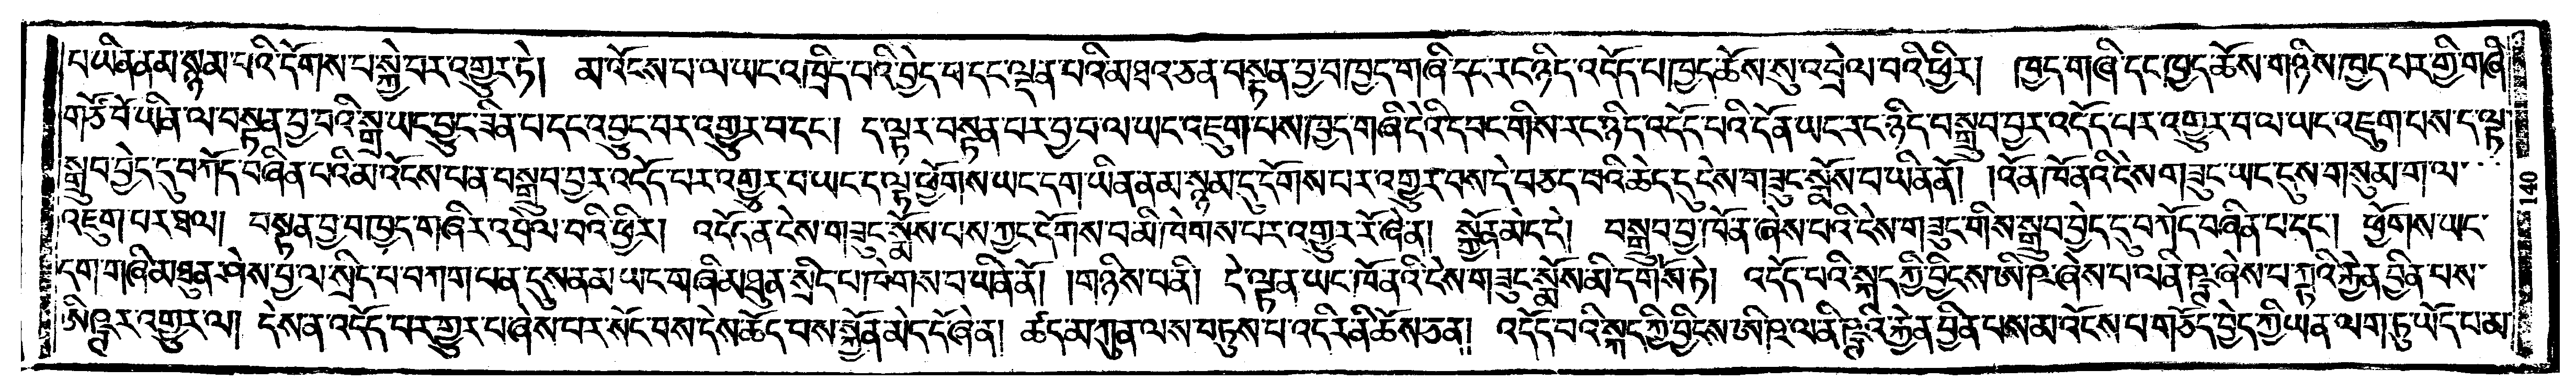པ་ཡིན་ནམ་སྙམ་པའི་དོགས་པ་སྐྱེ་བར་འགྱུར་ཏེ། མ་འོངས་པ་ལ་ཡང་འཁྲིད་པའི་བྱེད་པ་དང་ལྡན་པའི་མཐའ་ཅན་བསྟན་བྱ་བ་ཁྱད་གཞི་དང་རང་ཉིད་འདོད་པ་ཁྱད་ཆོས་སུ་འབྲེལ་བའི་ཕྱིར། ཁྱད་གཞི་དང་ཁྱད་ཆོས་གཉིས་ཁྱད་པར་གྱི་གཞི་
གཙོ་བོ་ཡིན་ལ་བསྟན་བྱ་བའི་སྒྲ་ཡང་བྱུང་ཟིན་པ་དང་འབྱུང་བར་འགྱུར་བ་དང་། ད་ལྟར་བསྟན་པར་བྱ་བ་ལ་ཡང་འཇུག་པས་ཁྱད་གཞི་དེའི་དབང་གིས་རང་ཉིད་འདོད་པའི་དོན་ཡང་རང་ཉིད་བསྒྲུབ་བྱར་འདོད་པར་འགྱུར་བ་ལ་ཡང་འཇུག་པས་ད་ལྟ་
སྒྲུབ་བྱེད་དུ་བཀོད་བཞིན་པའི་མ་འོངས་པ་ན་བསྒྲུབ་བྱར་འདོད་པར་འགྱུར་པ་ཡང་ད་ལྟ་ཕྱོགས་ཡང་དག་ཡིན་ནམ་སྙམ་དུ་དོགས་པར་འགྱུར་བས་དེ་བཅད་པའི་ཆེད་དུ་ངེས་གཟུང་སྨོས་པ་ཡིན་ནོ། །འོ་ན་ཁོ་ནའི་ངེས་གཟུང་ཡང་དུས་གསུམ་ག་ལ་
འཇུག་པར་ཐལ། བསྟན་བྱ་བ་ཁྱད་གཞིར་འབྲེལ་བའི་ཕྱིར། འདོད་ན་ངེས་གཟུང་སྨོས་པས་ཀྱང་དོགས་པ་མི་ཁེགས་པར་འགྱུར་རོ་ཞེ་ན། སྐྱོན་མེད་དེ། བསྒྲུབ་བྱ་ཁོ་ན་ཞེས་པའི་ངེས་གཟུང་གིས་སྒྲུབ་བྱེད་དུ་བཀོད་བཞིན་པ་དང་། ཕྱོགས་ཡང་
དག་གཞི་མཐུན་ཤེས་བྱ་ལ་སྲིད་པ་བཀག་པ་ན་དུས་ནམ་ཡང་གཞི་མཐུན་སྲིད་པ་ཁེགས་པ་ཡིན་ནོ། །གཉིས་པ་ནི། དེ་ལྟ་ན་ཡང་ཁོ་ནའི་ངེས་གཟུང་སྨོས་མི་དགོས་ཏེ། འདོད་པའི་སྐད་ཀྱི་བྱིངས་ཨི་ཥ་ཞེས་པ་ལ་ནི་ཥྚ་ཞེས་པ་ཀྟའི་རྐྱེན་བྱིན་པས་
ཨིཥྚར་འགྱུར་ལ། དེས་ན་འདོད་པར་གྱུར་པ་ཞེས་པར་སོང་བས་དེས་ཆོད་པས་སྐྱོན་མེད་དོ་ཞེ་ན། ཚད་མ་ཀུན་ལས་བཏུས་པ་འདིར་ནི་ཆོས་ཅན། འདོད་པའི་སྐད་ཀྱི་བྱིངས་ཨི་ཥ་ལ་ནི་ཥྚའི་རྐྱེན་བྱིན་པས་མ་འོངས་པ་གཅོད་བྱེད་ཀྱི་ཡན་ལག་ཏུ་ཡོད་པ་མ་